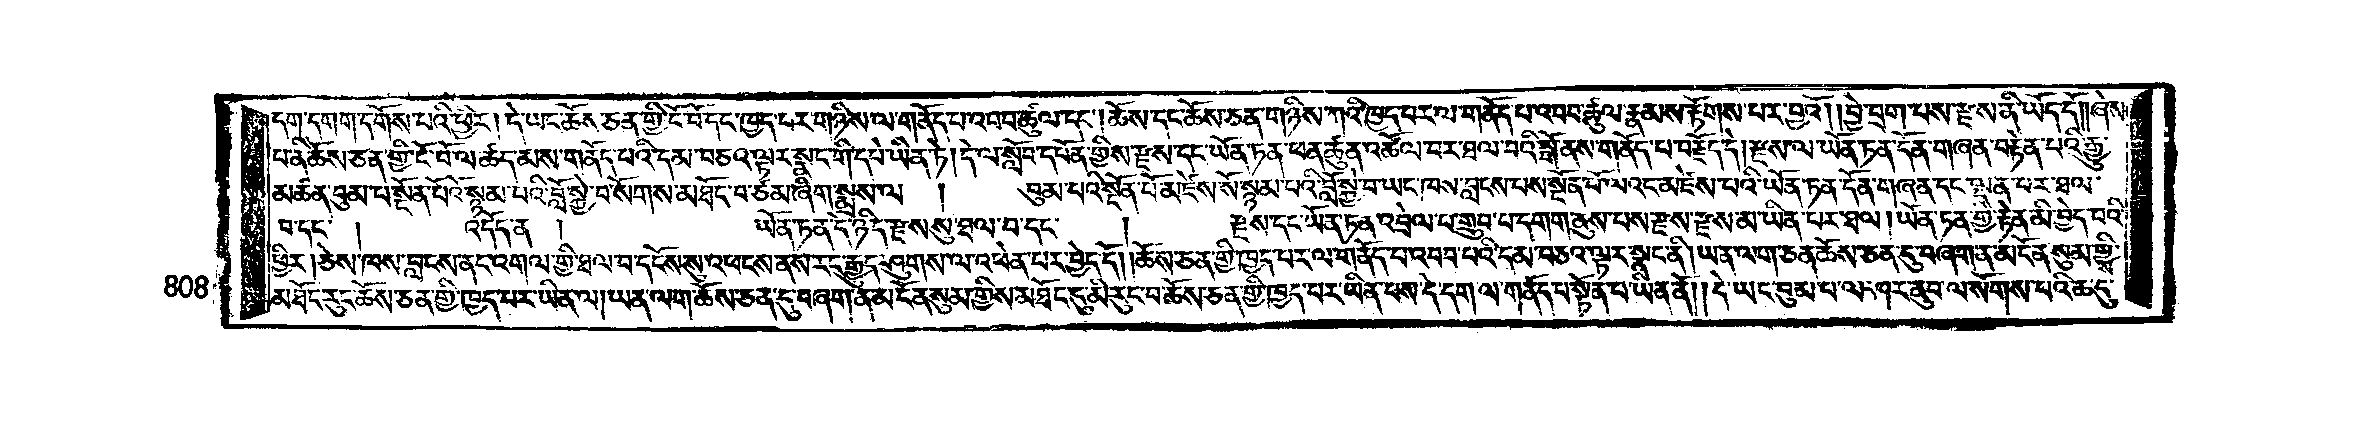དག་དགག་དགོས་པའི་ཕྱིར། དེ་ཡང་ཆོས་ཅན་གྱི་ངོ་བོ་དང་ཁྱད་པར་གཉིས་ལ་གནོད་པ་འབབ་ཆུལ་དང་། ཆོས་དང་ཆོས་ཅན་གཉིས་ཀའི་ཁྱད་པར་ལ་གནོད་པ་འབབ་ཚུལ་རྣམས་རྟོགས་པར་བྱའོ། །བྱེ་བྲག་པས་རྫས་ནི་ཡོད་དོ། །ཞེས་
པ་ནི་ཆོས་ཅན་གྱི་ངོ་བོ་ལ་ཚད་མས་གནོད་པའི་དམ་བཅའ་ལྟར་སྣང་གི་དཔེ་ཡིན་ཏེ། དེ་ལ་སློབ་དཔོན་གྱིས་རྫས་དང་ཡོན་ཏན་ཕན་ཚུན་འཚོལ་བར་ཐལ་བའི་སྒོ་ནས་གནོད་པ་བརྗོད་དེ། རྫས་ལ་ཡོན་ཏན་དོན་གཞན་བརྟེན་པའི་རྒྱུ་
མཚན་བུམ་པ་སྔོན་པོའོ་སྙམ་པའི་བློ་སྐྱེ་བ་སོགས་མཐོང་བ་ཙམ་ཞིག་སྨྲས་ལ། །བུམ་པའི་སྔོན་པོ་མཛེས་སོ་སྙམ་པའི་བློ་སྐྱེ་བ་ཡང་ཁས་བླངས་པས་སྔོན་པོ་ལའང་མཛེས་པའི་ཡོན་ཏན་དོན་གཞན་དང་ལྡན་པར་ཐལ་
བ་དང་། །འདོད་ན། །ཡོན་ཏན་དེ་ཉིད་རྫས་སུ་ཐལ་བ་དང་། ། རྫས་དང་ཡོན་ཏན་འབྲེལ་བ་གྲུབ་པ་དགག་ནུས་པས་རྫས་རྫས་མ་ཡིན་པར་ཐལ། ཡོན་ཏན་གྱི་རྟེན་མི་བྱེད་པའི་
ཕྱིར། ཅེས་ཁས་བླངས་ནང་འགལ་གྱི་ཐལ་བ་དངོས་སུ་འཕངས་ནས་རང་རྒྱུད་ཤུགས་ལ་འཕེན་པར་བྱེད་དོ། །ཆོས་ཅན་གྱི་ཁྱད་པར་ལ་གནོད་པ་འབབ་པའི་དམ་བཅའ་ལྟར་སྣང་ནི། ཡན་ལག་ཅན་ཆོས་ཅན་དུ་བཞག་ན་མངོན་སུམ་གྱིས་
མཐོང་རུང་ཆོས་ཅན་གྱི་ཁྱད་པར་ཡིན་ལ། ཡན་ལག་ཆོས་ཅན་དུ་བཞག་ན་མངོན་སུམ་གྱིས་མཐོང་དུ་མི་རུང་བ་ཆོས་ཅན་གྱི་ཁྱད་པར་ཡིན་པས་དེ་དག་ལ་གནོད་པ་སྟོན་པ་ཡིན་ནོ། །དེ་ཡང་བུམ་པ་ལ་ཤར་ནུབ་ལ་སོགས་པའི་ཆ་དུ་